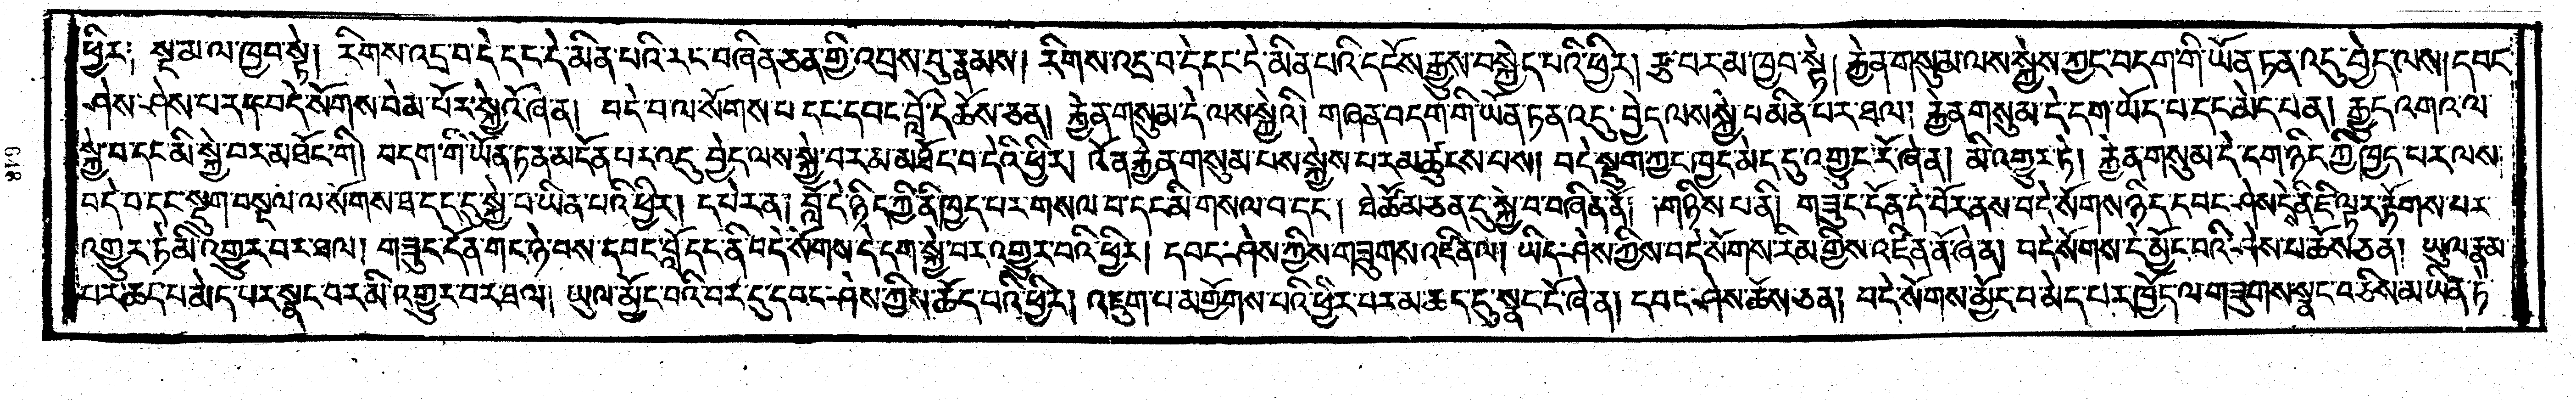ཕྱིར༑ སྔ་མ་ལ་ཁྱབ་སྟེ། རིགས་འདྲ་བ་དེ་དང་དེ་མིན་པའི་རང་བཞིན་ཅན་གྱི་འབྲས་བུ་རྣམས། རིགས་འདྲ་བ་དེ་དང་དེ་མིན་པའི་དངོས་རྒྱུས་བསྐྱེད་པའི་ཕྱིར། རྩ་བར་མ་ཁྱབ་སྟེ། རྐྱེན་གསུམ་ལས་སྐྱེས་ཀྱང་བདག་གི་ཡོན་ཏན་འདུ་བྱེད་ལས། དབང་ཤེས་ཤེས་པར་དང་བདེ་སོགས་བེམ་པོར་སྐྱེའོ་ཞེ་ན། བདེ་བ་ལ་སོགས་པ་དང་དབང་བློ་དེ་ཆོས་ཅན། རྐྱེན་གསུམ་དེ་ལས་སྐྱེའི། གཞན་བདག་གི་ཡོན་ཏན་འདུ་བྱེད་ལས་སྐྱེ་པ་མིན་པར་ཐལ། རྐྱེན་གསུམ་དེ་དག་ཡོད་པར་དང་མེད་པ་ན། རྒྱུད་འགའ་ལ་
སྐྱེ་བ་དང་མི་སྐྱེ་བར་མཐོང་གི། བདག་གི་ཡོན་ཏན་མངོན་པར་འདུ་བྱེད་ལས་སྐྱེ་བར་མ་མཐོང་བ་དེའི་ཕྱིར། འོན་རྐྱེན་གསུམ་པས་སྐྱེས་པར་མཚུངས་པས། བདེ་སྡུག་ཀྱང་ཁྱད་མེད་དུ་འགྱུར་རོ་ཞེ་ན། མི་འགྱུར་ཏེ། རྐྱེན་གསུམ་དེ་དག་ཉིད་ཀྱི་ཁྱད་པར་ལས་
བདེ་བ་དང་སྡུག་བསྔལ་ལ་སོགས་ཐ་དད་དུ་སྐྱེ་བ་ཡིན་པའི་ཕྱིར། དཔེར་ན། བློ་དེ་ཉིད་ཀྱི་ནི་ཁྱད་པར་གསལ་བ་དང་མི་གསལ་བ་དང་། ཐེ་ཚོམ་ཅན་དུ་སྐྱེ་བ་བཞིན་ནོ། །གཉིས་པ་ནི། གཟུང་དོན་དེ་བོར་ནས་བདེ་སོགས་ཉིད་དབང་ཤེས་དེས་ནི་ཇི་ལྟར་རྟོགས་པར་
འགྱུར་ཏེ་མི་འགྱུར་བར་ཐལ། གཟུང་དོན་གང་ཉེ་བས་དབང་བློ་དང་ནི་བདེ་སོགས་དེ་དག་སྐྱེ་བར་འགྱུར་བའི་ཕྱིར། དབང་ཤེས་ཀྱིས་གཟུགས་འཛིན་ལ། ཡིད་ཤེས་ཀྱིས་བདེ་སོགས་རིམ་གྱིས་འཛིན་ནོ་ཞེ་ན། བདེ་སོགས་དེ་མྱོང་བའི་ཤེས་པ་ཆོས་ཅན། ཡུལ་རྣམ་
པར་ཆད་པ་མེད་པར་སྣང་བར་མི་འགྱུར་བར་ཐལ། ཡུལ་མྱོང་བའི་བར་དུ་དབང་ཤེས་ཀྱིས་ཆོད་པའི་ཕྱིར། འཇུག་པ་མགྱོགས་པའི་ཕྱིར་པར་མ་ཆད་དུ་སྣང་ངོ་ཞེ་ན། དབང་ཤེས་ཆོས་ཅན། བདེ་སོགས་མྱོང་བ་མེད་པར་ཁྱོད་ལ་གཟུགས་སྣང་བ་ཅིས་མ་ཡིན་ཏེ་